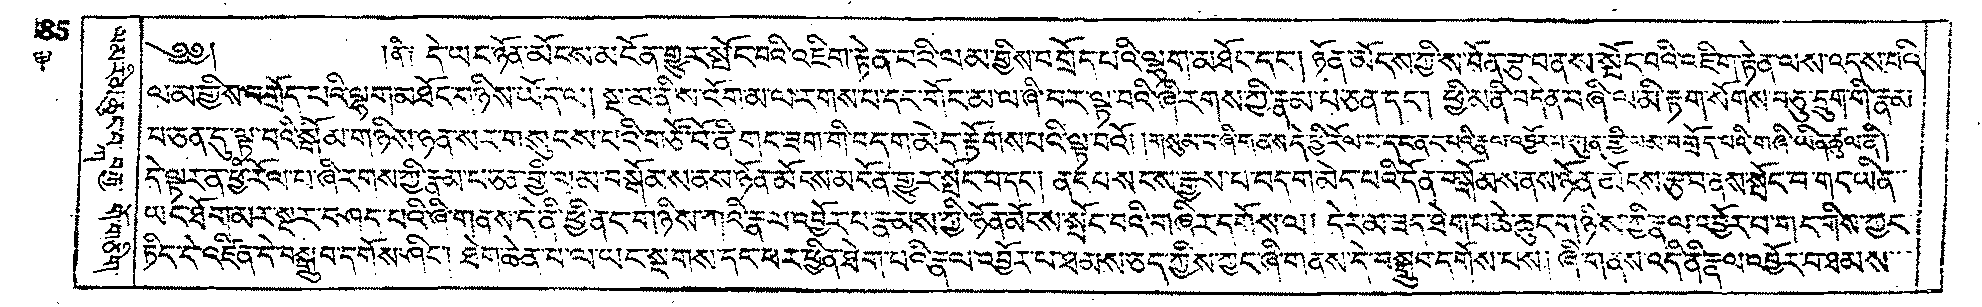༄༅། །ནི༑ དེ་ཡང་ཉོན་མོངས་མངོན་གྱུར་སྤོང་བའི་འཇིག་རྟེན་པའི་ལམ་གྱིས་བགྲོད་པའི་ལྷག་མཐོང་དང་། ཉོན་མོངས་ཀྱི་ས་བོན་རྩ་བ་ནས་སྤོང་བའི་འཇིག་རྟེན་ལས་འདས་པའི་
ལམ་གྱིས་བགྲོད་པའི་ལྷག་མཐོང་གཉིས་ཡོད་ལ། སྔ་མ་ནི་ས་འོག་མ་ལ་རགས་པ་དང་གོང་མ་ལ་ཞི་བར་ལྟ་བའི་ཞི་རགས་ཀྱི་རྣམ་པ་ཅན་དང་། ཕྱི་མ་ནི་བདེན་བཞི་ལ་མི་རྟག་སོགས་བཅུ་དྲུག་གི་རྣམ་
པ་ཅན་དུ་ལྟ་བའི་སྒོམ་གཉིས་ཉན་སར་གསུངས་པའི་གཙོ་བོ་ནི་གང་ཟག་གི་བདག་མེད་རྟོགས་པའི་ལྟ་བའོ། །གསུམ་པ་ཞི་གནས་དེ་ཕྱི་རོལ་པ་དང་ནང་པའི་རྣལ་འབྱོར་པ་ཀུན་གྱི་ལམ་བགྲོད་པའི་གཞི་ཡིན་ཚུལ་ནི།
དེ་ལྟར་ན་ཕྱི་རོལ་པ་ཞི་རགས་ཀྱི་རྣམ་པ་ཅན་གྱི་ལམ་བསྒོམས་ནས་ཉོན་མོངས་མངོན་གྱུར་སྤོང་བ་དང་། ནང་པ་སངས་རྒྱས་པ་བདག་མེད་པའི་དོན་བསྒོམས་ནས་ཉོན་མོངས་རྩ་བ་ནས་སྤོང་བ་གང་ཡིན་
ཡང་ཐོག་མར་སྔར་བཤད་པའི་ཞི་གནས་དེ་ནི་ཕྱི་ནང་གཉིས་ཀའི་རྣལ་འབྱོར་པ་རྣམས་ཀྱི་ཉོན་མོངས་སྤོང་བའི་གཞིར་དགོས་ལ། དེར་མ་ཟད་ཐེག་པ་ཆེ་ཆུང་གཉིས་ཀྱི་རྣལ་འབྱོར་བ་གང་གིས་ཀྱང་
ཏིང་ངེ་འཛིན་དེ་བསྒྲུབ་དགོས་ཤིང་། ཐེག་ཆེན་པ་ལ་ཡང་སྔགས་དང་ཕར་ཕྱིན་ཐེག་པའི་རྣལ་འབྱོར་པ་ཐམས་ཅད་ཀྱིས་ཀྱང་ཞི་གནས་དེ་བསྒྲུབ་དགོས་པས། ཞི་གནས་འདི་ནི་རྣལ་འབྱོར་བ་ཐམས་